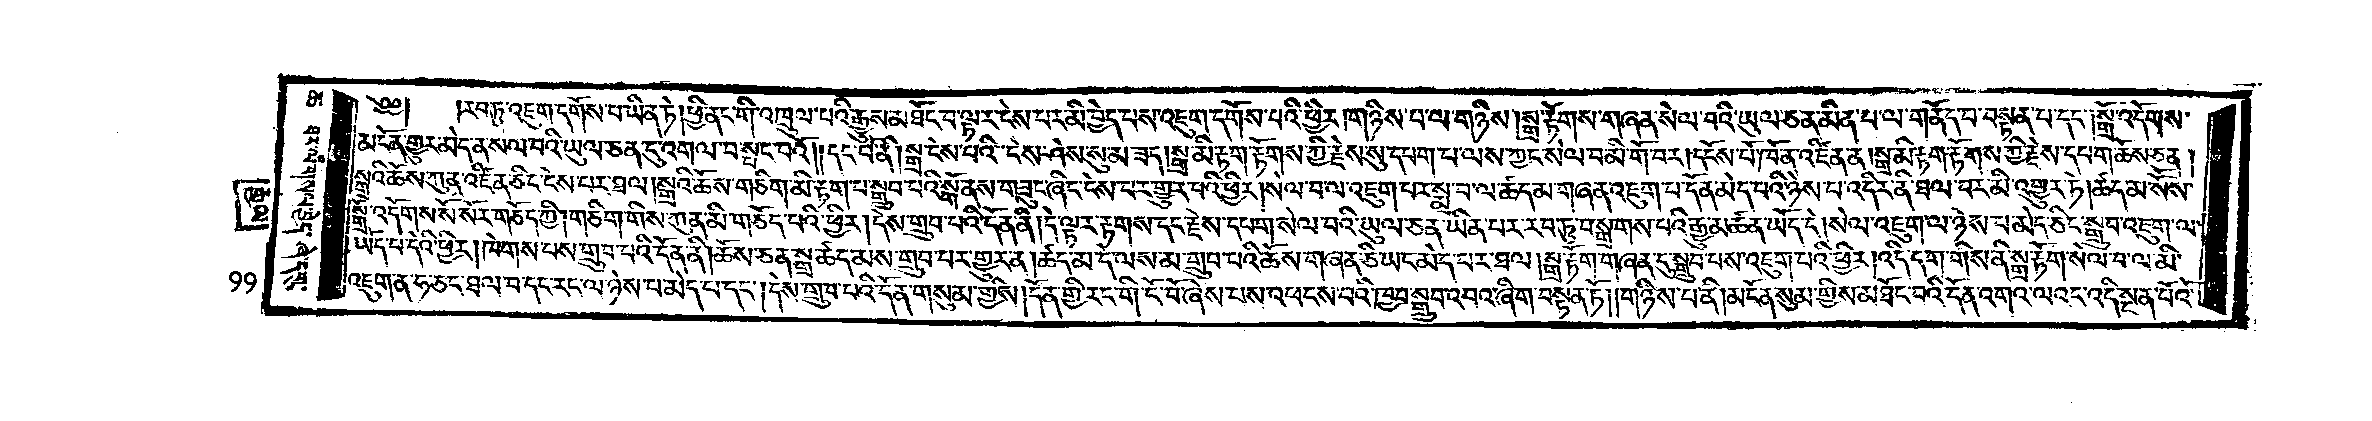༄༅། །རབ་ཏུ་འཇུག་དགོས་པ་ཡིན་ཏེ། ཕྱི་ནང་གི་འཁྲུལ་པའི་རྒྱུས་མཐོང་བ་ལྟར་ངེས་པར་མི་བྱེད་པས་འཇུག་དགོས་པའི་ཕྱིར། གཉིས་པ་ལ་གཉིས། སྒྲ་རྟོགས་གཞན་སེལ་བའི་ཡུལ་ཅན་མིན་པ་ལ་གནོད་པ་བསྟན་པ་དང་། སྒྲོ་འདོགས་
མངོན་གྱུར་མེད་ན་སེལ་བའི་ཡུལ་ཅན་དུ་འགལ་བ་སྤང་བའོ། །དང་པོ་ནི། སྒྲ་ངེས་པའི་ངེས་ཤེས་སུ་མ་ཟད། སྒྲ་མི་རྟག་རྟོགས་ཀྱི་རྗེས་སུ་དཔག་པ་ལས་ཀྱང་སེལ་བ་མི་གོ་བར། དངོས་པོ་ཁོ་ན་འཛིན་ན། སྒྲ་མི་རྟག་རྟོགས་ཀྱི་རྗེས་དཔག་ཆོས་ཅན།
སྒྲའི་ཆོས་ཀུན་འཛིན་ཅིང་ངེས་པར་ཐལ། སྒྲའི་ཆོས་གཅིག་མི་རྟག་པ་སྒྲུབ་པའི་སྒོ་ནས་གཟུང་ཞིང་ངེས་པར་གྱུར་པའི་ཕྱིར། སེལ་བ་ལ་འཇུག་པར་སྨྲ་བ་ལ་ཚད་མ་གཞན་འཇུག་པ་དོན་མེད་པའི་ཉེས་པ་འདིར་ནི་ཐལ་བར་མི་འགྱུར་ཏེ། ཚད་མ་སཽས་?
སྒྲོ་འདོགས་སོ་སོར་གཅོད་ཀྱི། གཅིག་གིས་ཀུན་མི་གཅོད་པའི་ཕྱིར། དེས་གྲུབ་པའི་དོན་ནི། དེ་ལྟར་རྟགས་དང་རྗེས་དཔག་སེལ་བའི་ཡུལ་ཅན་ཡིན་པར་རབ་ཏུ་བསྒྲགས་པའི་རྒྱུ་མཚན་ཡོད་དེ། སེལ་འཇུག་ལ་ཉེས་པ་མེད་ཅིང་སྒྲུབ་འཇུག་ལ་
ཡོད་པའི་དེའི་ཕྱིར། ཁེགས་པས་གྲུབ་པའི་དོན་ནི། ཆོས་ཅན་སྒྲ་ཚད་མས་གྲུབ་པར་གྱུར་ན། ཚད་མ་དེ་ལས་མ་གྲུབ་པའི་ཆོས་གཞན་ཅི་ཡང་མེད་པར་ཐལ། སྒྲ་རྟོག་གཞན་དུ་སྒྲུབ་པས་འཇུག་པའི་ཕྱིར། འདི་དག་གིས་ནི་སྒྲ་རྟོག་སེལ་བ་ལ་མི་
འཇུག་ན་ཧ་ཅང་ཐལ་བ་དང་རང་ལ་ཉེས་པ་མེད་པ་དང་། དེས་གྲུབ་པའི་དོན་གསུམ་གྱིས། དོན་གྱི་རང་གི་ངོ་བོ་ཞེས་པས་འཕངས་པའི་ཁྱབ་སྒྲུབ་འབའ་ཞིག་བསྟན་ཏོ། །གཉིས་པ་ནི། མངོན་སུམ་གྱིས་མཐོང་བའི་དོན་འགའ་ལའང་འདི་སྔོན་པོའོ་